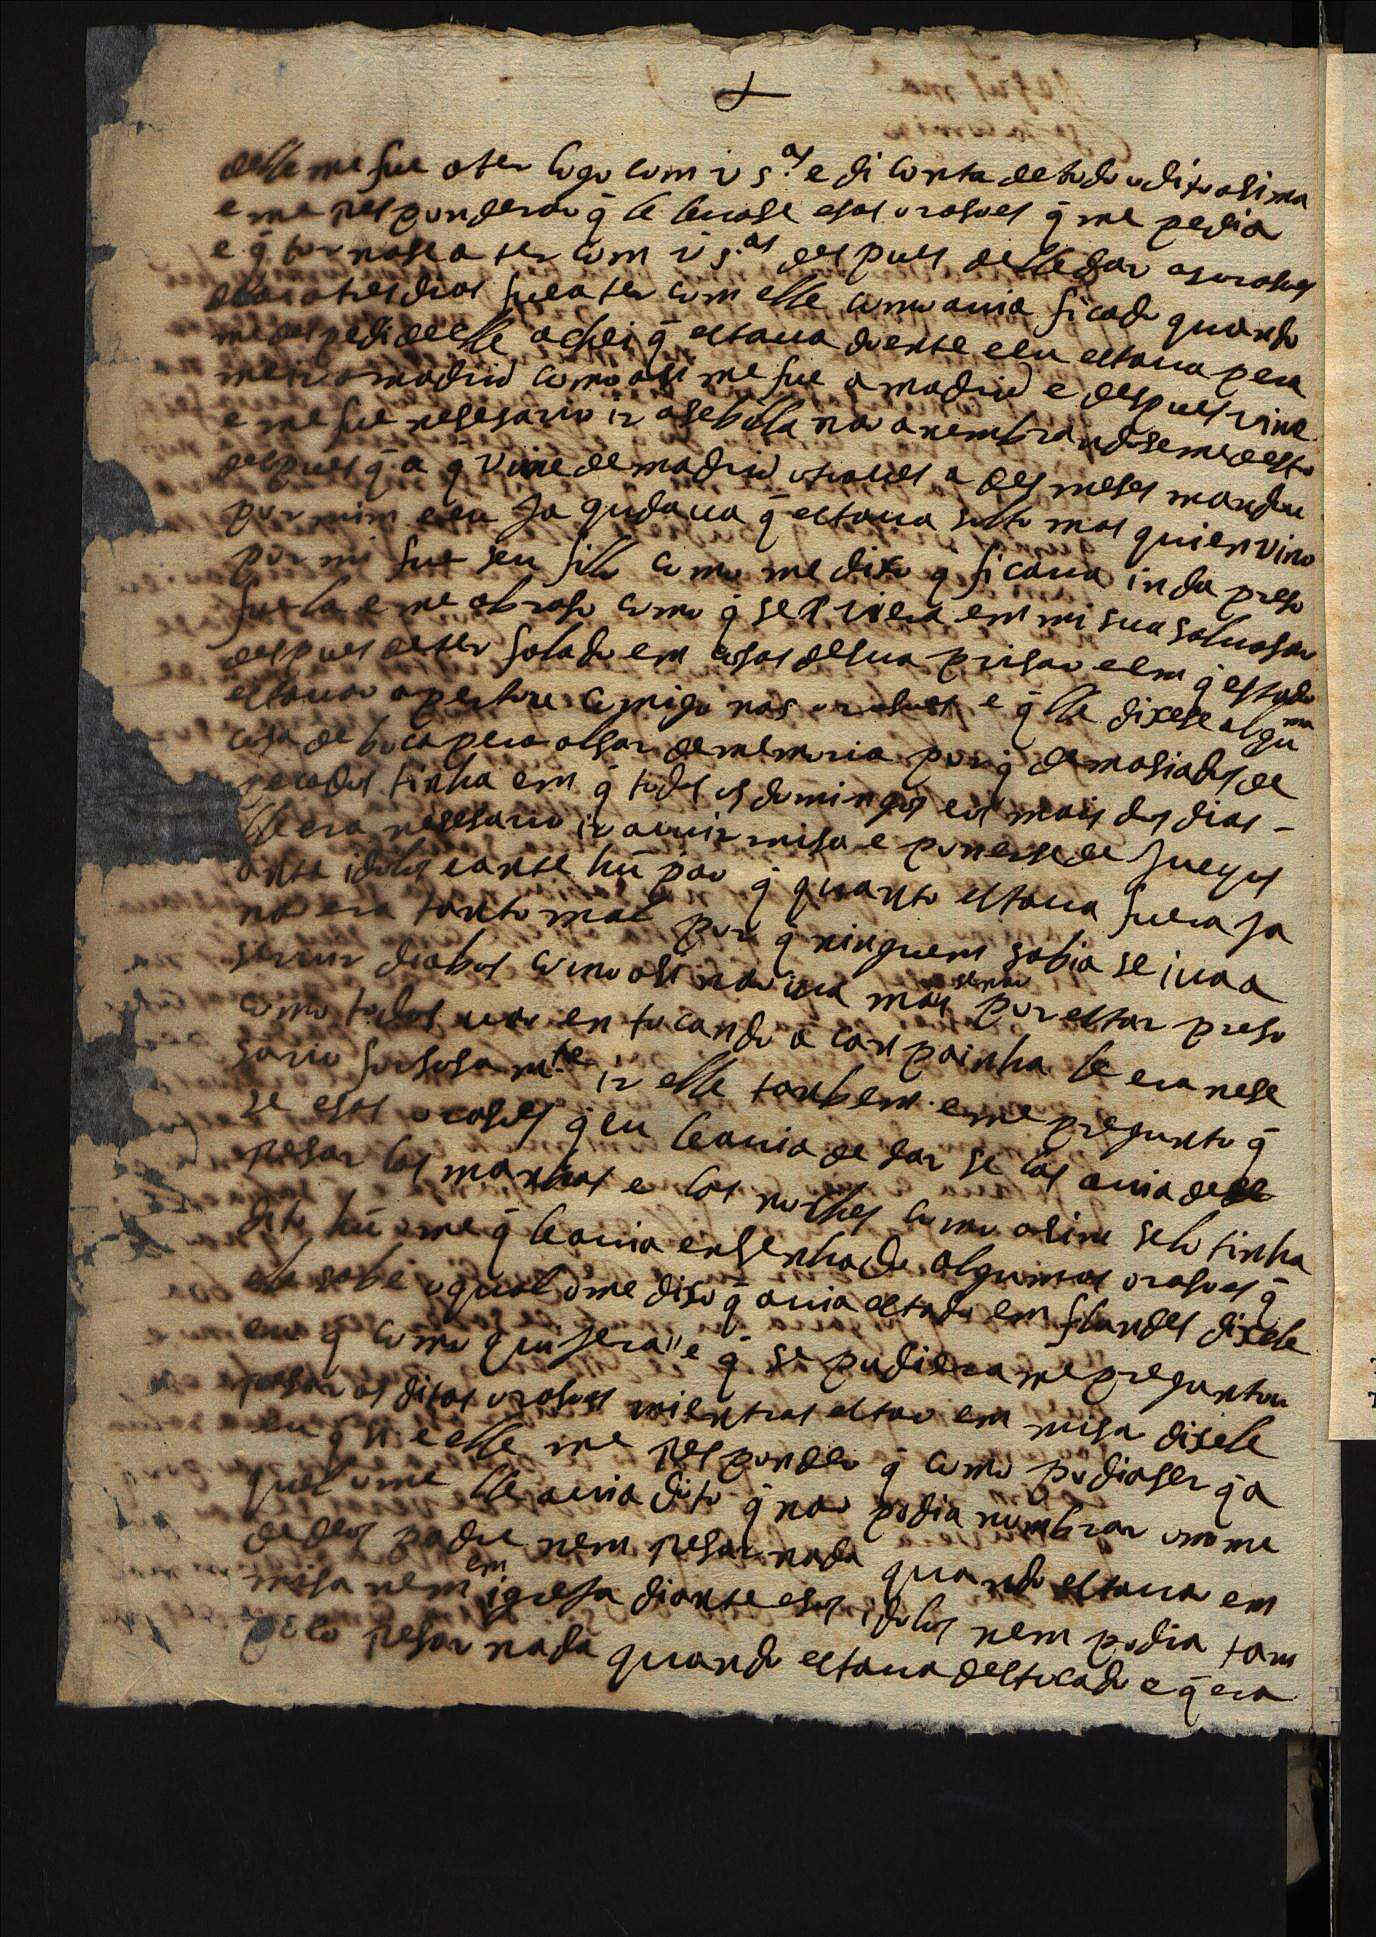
della me fue a ter logo com v s.as e di conta de todo o dito asima
e me responderaõ q̄ le leuase esas orasoes q̄ me pedia
e q̄ tornase a ter com v s.as despues de lle dar as orasoes
de ai a tres dias fue a ter com elle como auia ficado quando
me despedi de elle achei q̄ estaua doente e eu estaua pera
me ir a madrid como asi me fue a madrid e despues vine
e me fue nesesario ir a sebilla nā anembrandoseme desto
despues q̄ a q̄ vine de madrid otra ues a des meses mandou
por mim e eu Ja qudaua q̄ estaua solto mas quien vino
por mi fue seu fillo como me dixo q̄ ficaua inda preso
fue la e me abraso como q̄ se tivera em mi sua saluasao
despues de ter falado em cosas de sua prisao e em q̄ estado
estauao apertou comigo nas orasoes e q̄ lhe dixese alguma
cosa de boca pera olhar de memoria porq̄ demasiados de
pecados tinha em q̄ todos os domingos e os mais dos dias
lle era nesesario ir ouuir misa e ponerse de Jueijos
ante idolos e ante hū pao q̄ quanto estaua fuera Ja
nao era tanto mal porq̄ ninguem sabia se iua a
seruir diabos como asi ora iua mais senao por estar preso
como todos uao en tocando a canpainha le era nese
sario forsosam.te ir elle tanbem e me pregunto q̄
se esas orasoes q̄ eu le auia de dar se las auia de de
resar las manhas e las noches como asim se lo tinha
dito hū ome q̄ le auia ensenhado algumas orasoes q̄
ele sabe o qual ome dixo q̄ auia estado em flandes dixele
em q̄ como quizera e q̄ se pudiera me preguntou
resar as ditas orasoes mientras estao em misa dixele
eu q̄ si e elle me Respondeo q̄ como podia ser q̄ a
quel ome lle auia dito q̄ nao podia nombrar o nome
de deos padre nem Resar nada quando estaua em
misa nem em igreJa diante esos idolos nem podia tam
poco Resar nada quando estaua del tocado e q̄ era
